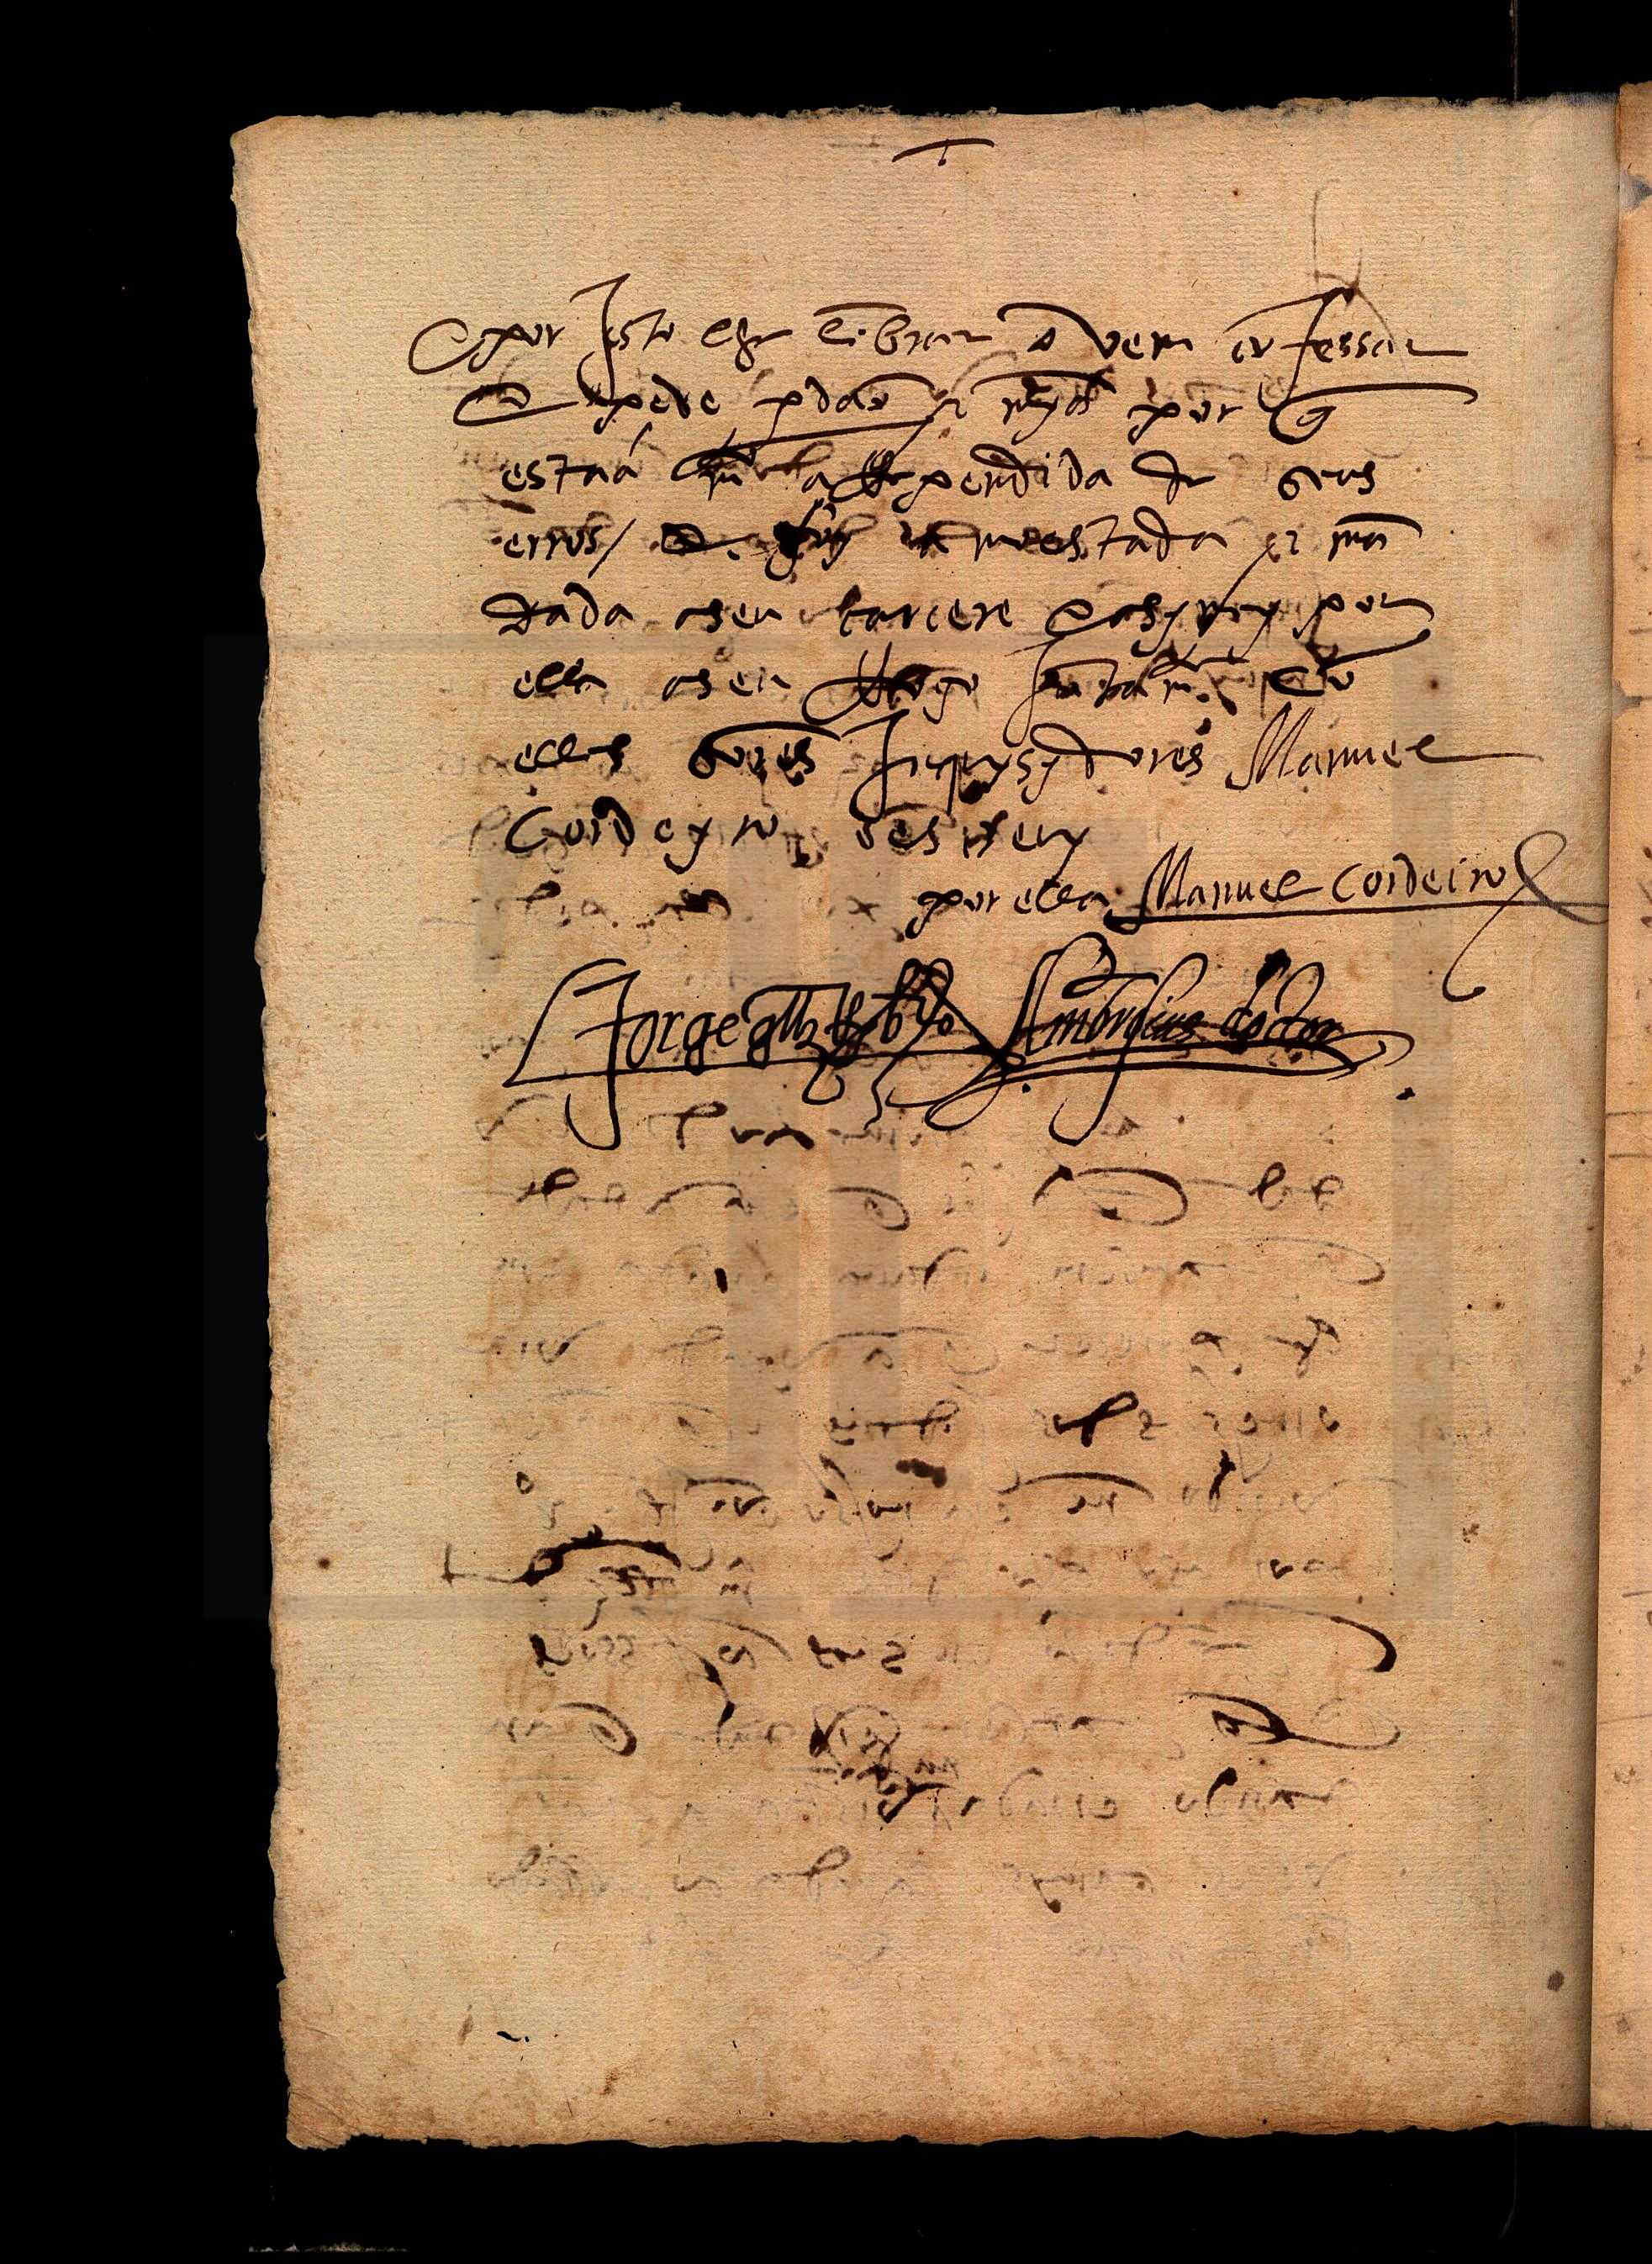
e por Jsto lhe lēbrar o vem cōfessar
e pede ꝑdaõ e mȳa porq̄
estaá mto aRependida de seus
erros / e foy amoestada e mā
dada a seu carcere e asyney por
ella a seu Rogo Jūtamte cō
elles sōres Jnquysydores Manuel
Cordeyro o escreuy
por ella
